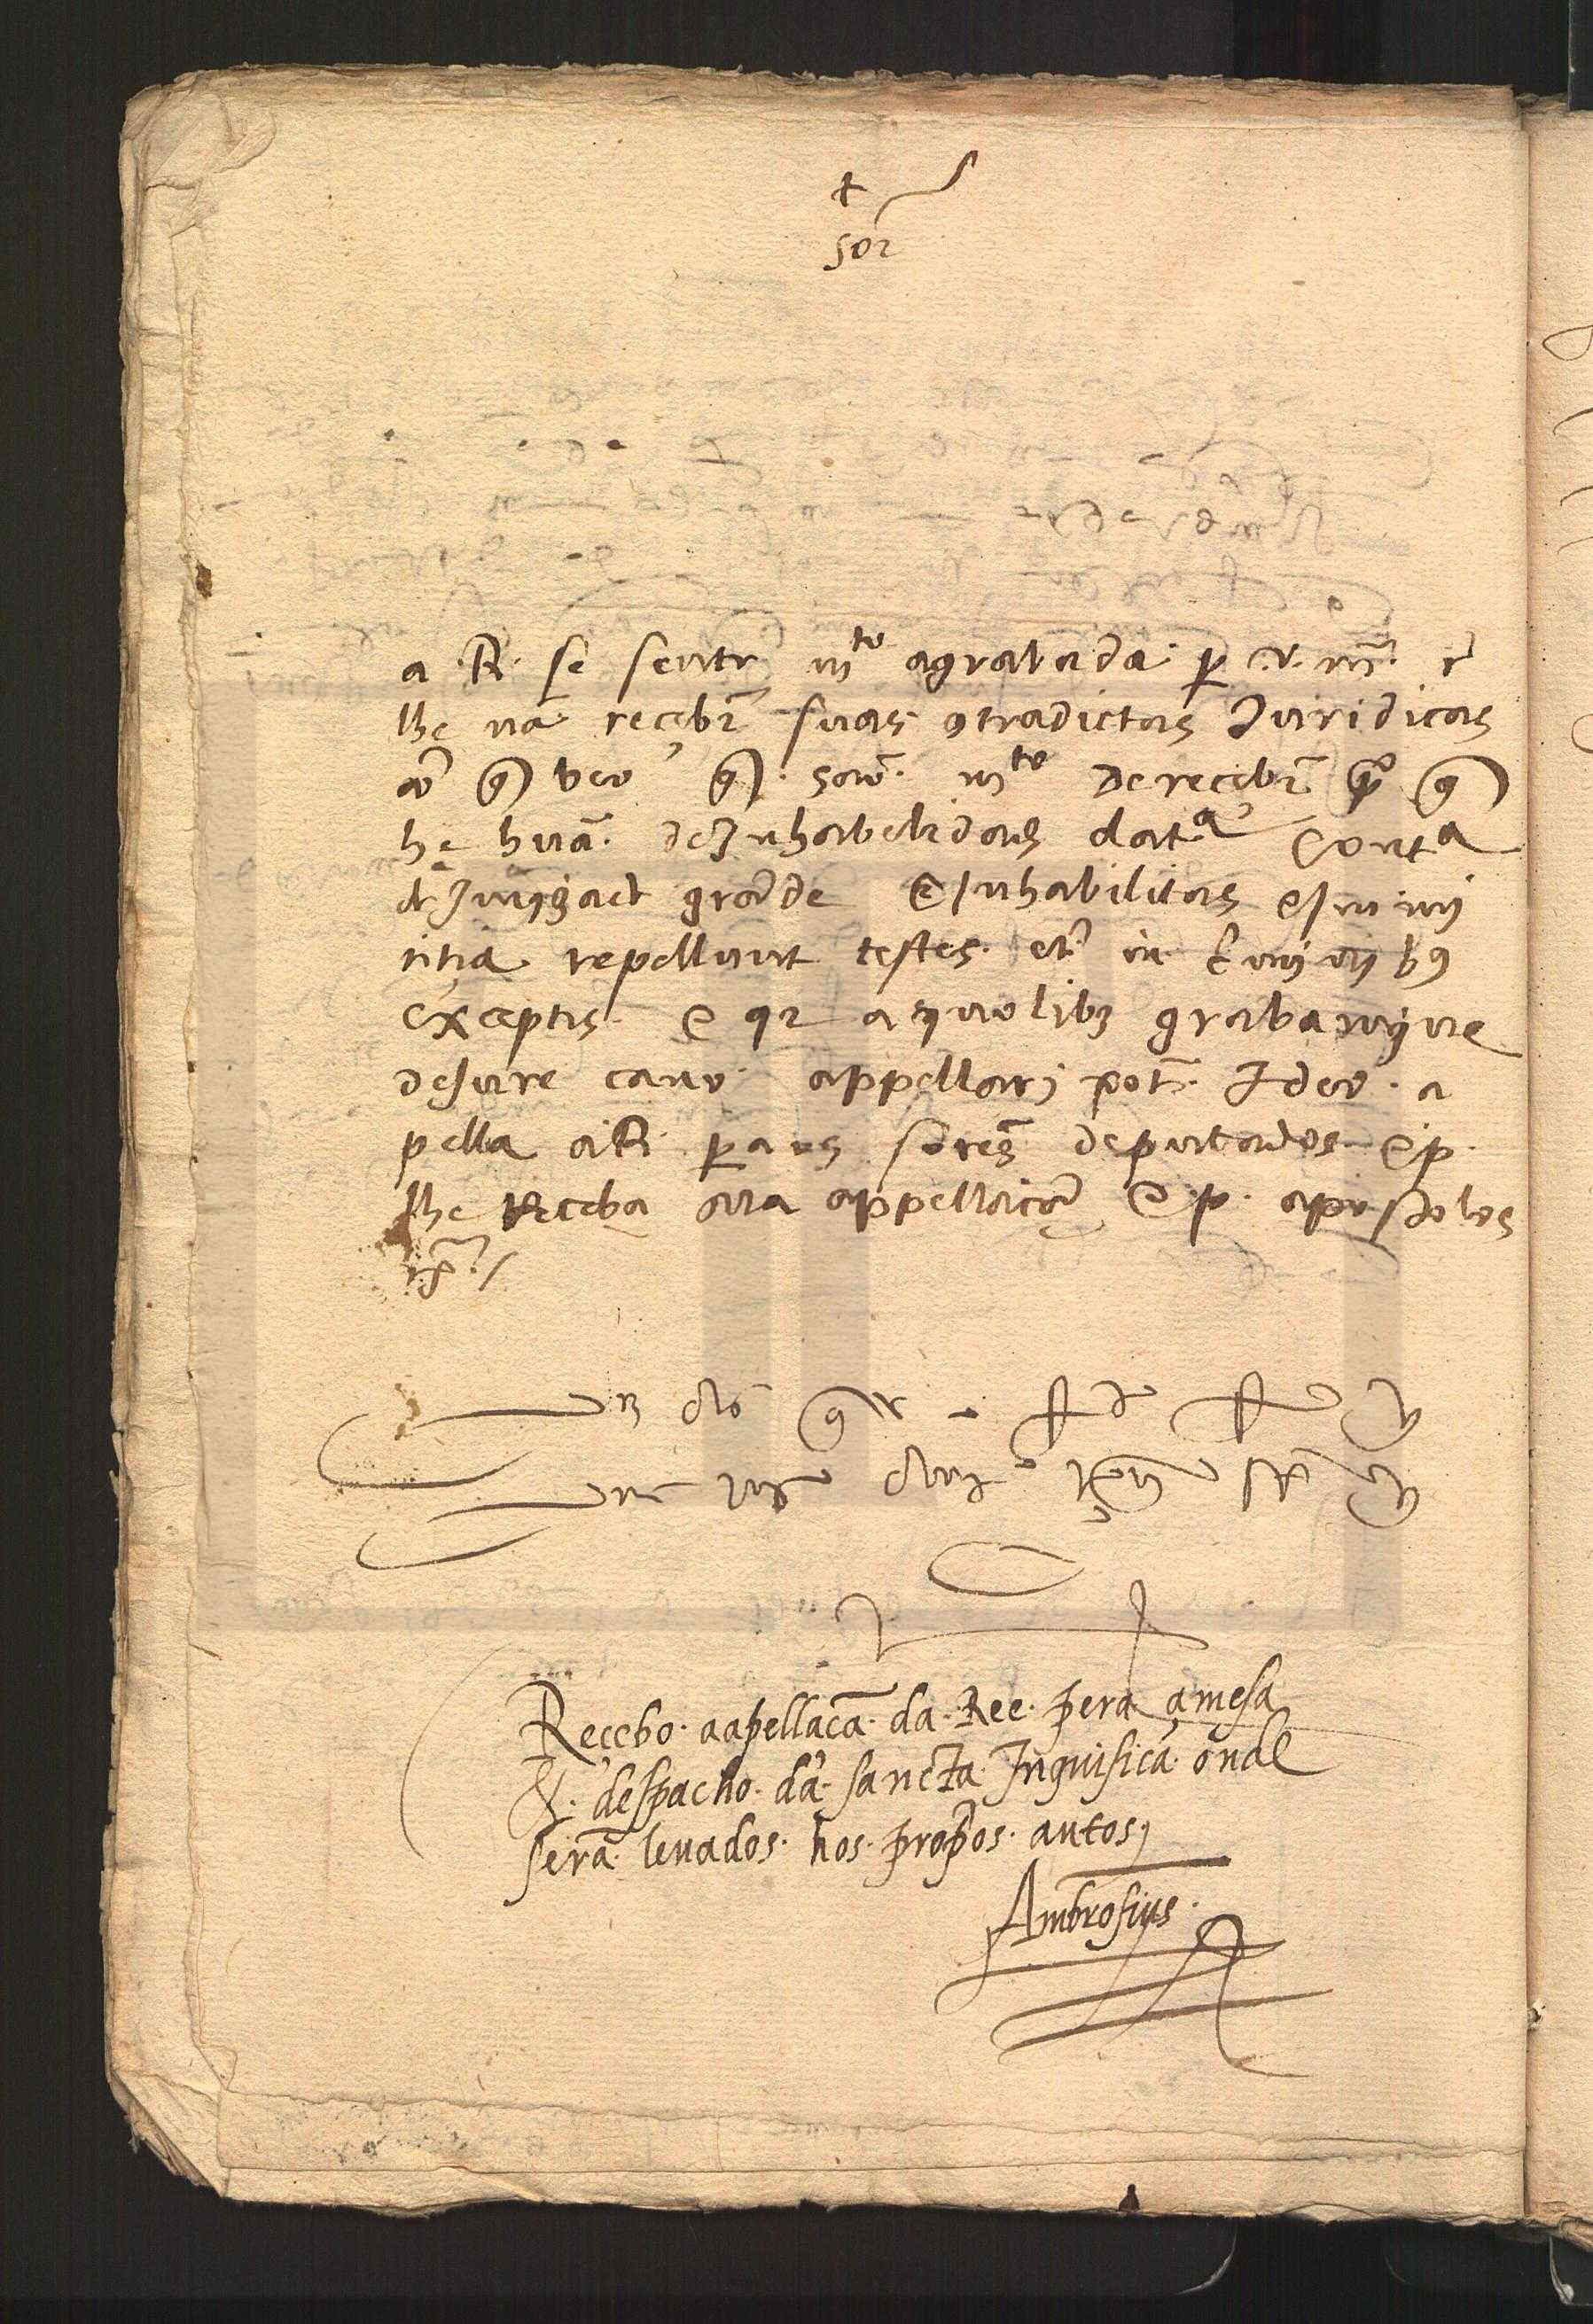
Sor̄
a .R. se sente mto agravada ꝑ .V. m̄. ē
lhe nā reçebr̄ suas ꝯtradictas Juridicas
cō q̄ veo q̄ . saõ mto de reçebr̄ p̄o q̄
he huā. de Jnhabelidas da ta e outa
de Jmjzade grāde e Jnhabilitas e Jnimj
titia repellunt testes. et̄ in cimjnjbꝯ
exceptis e qr a quolibꝫ gravamjne
de Jure cano. appellarj xot̄. Jdeo . a
pella a .R. ꝑa os sorē deputados e p.
lhe Receba sua appelaçā e .p. apostolos
cꝭ̄./
Com As q̄es o fto foy
Concruso Anto rōiz o sp̄vy
Co
Reçebo. a apellaçā. da Ree. pera a mesa
&. despacho. da. sancta. Jnquisicā. onde
serā. leuados. hos. propios. autos
Ambrosius
